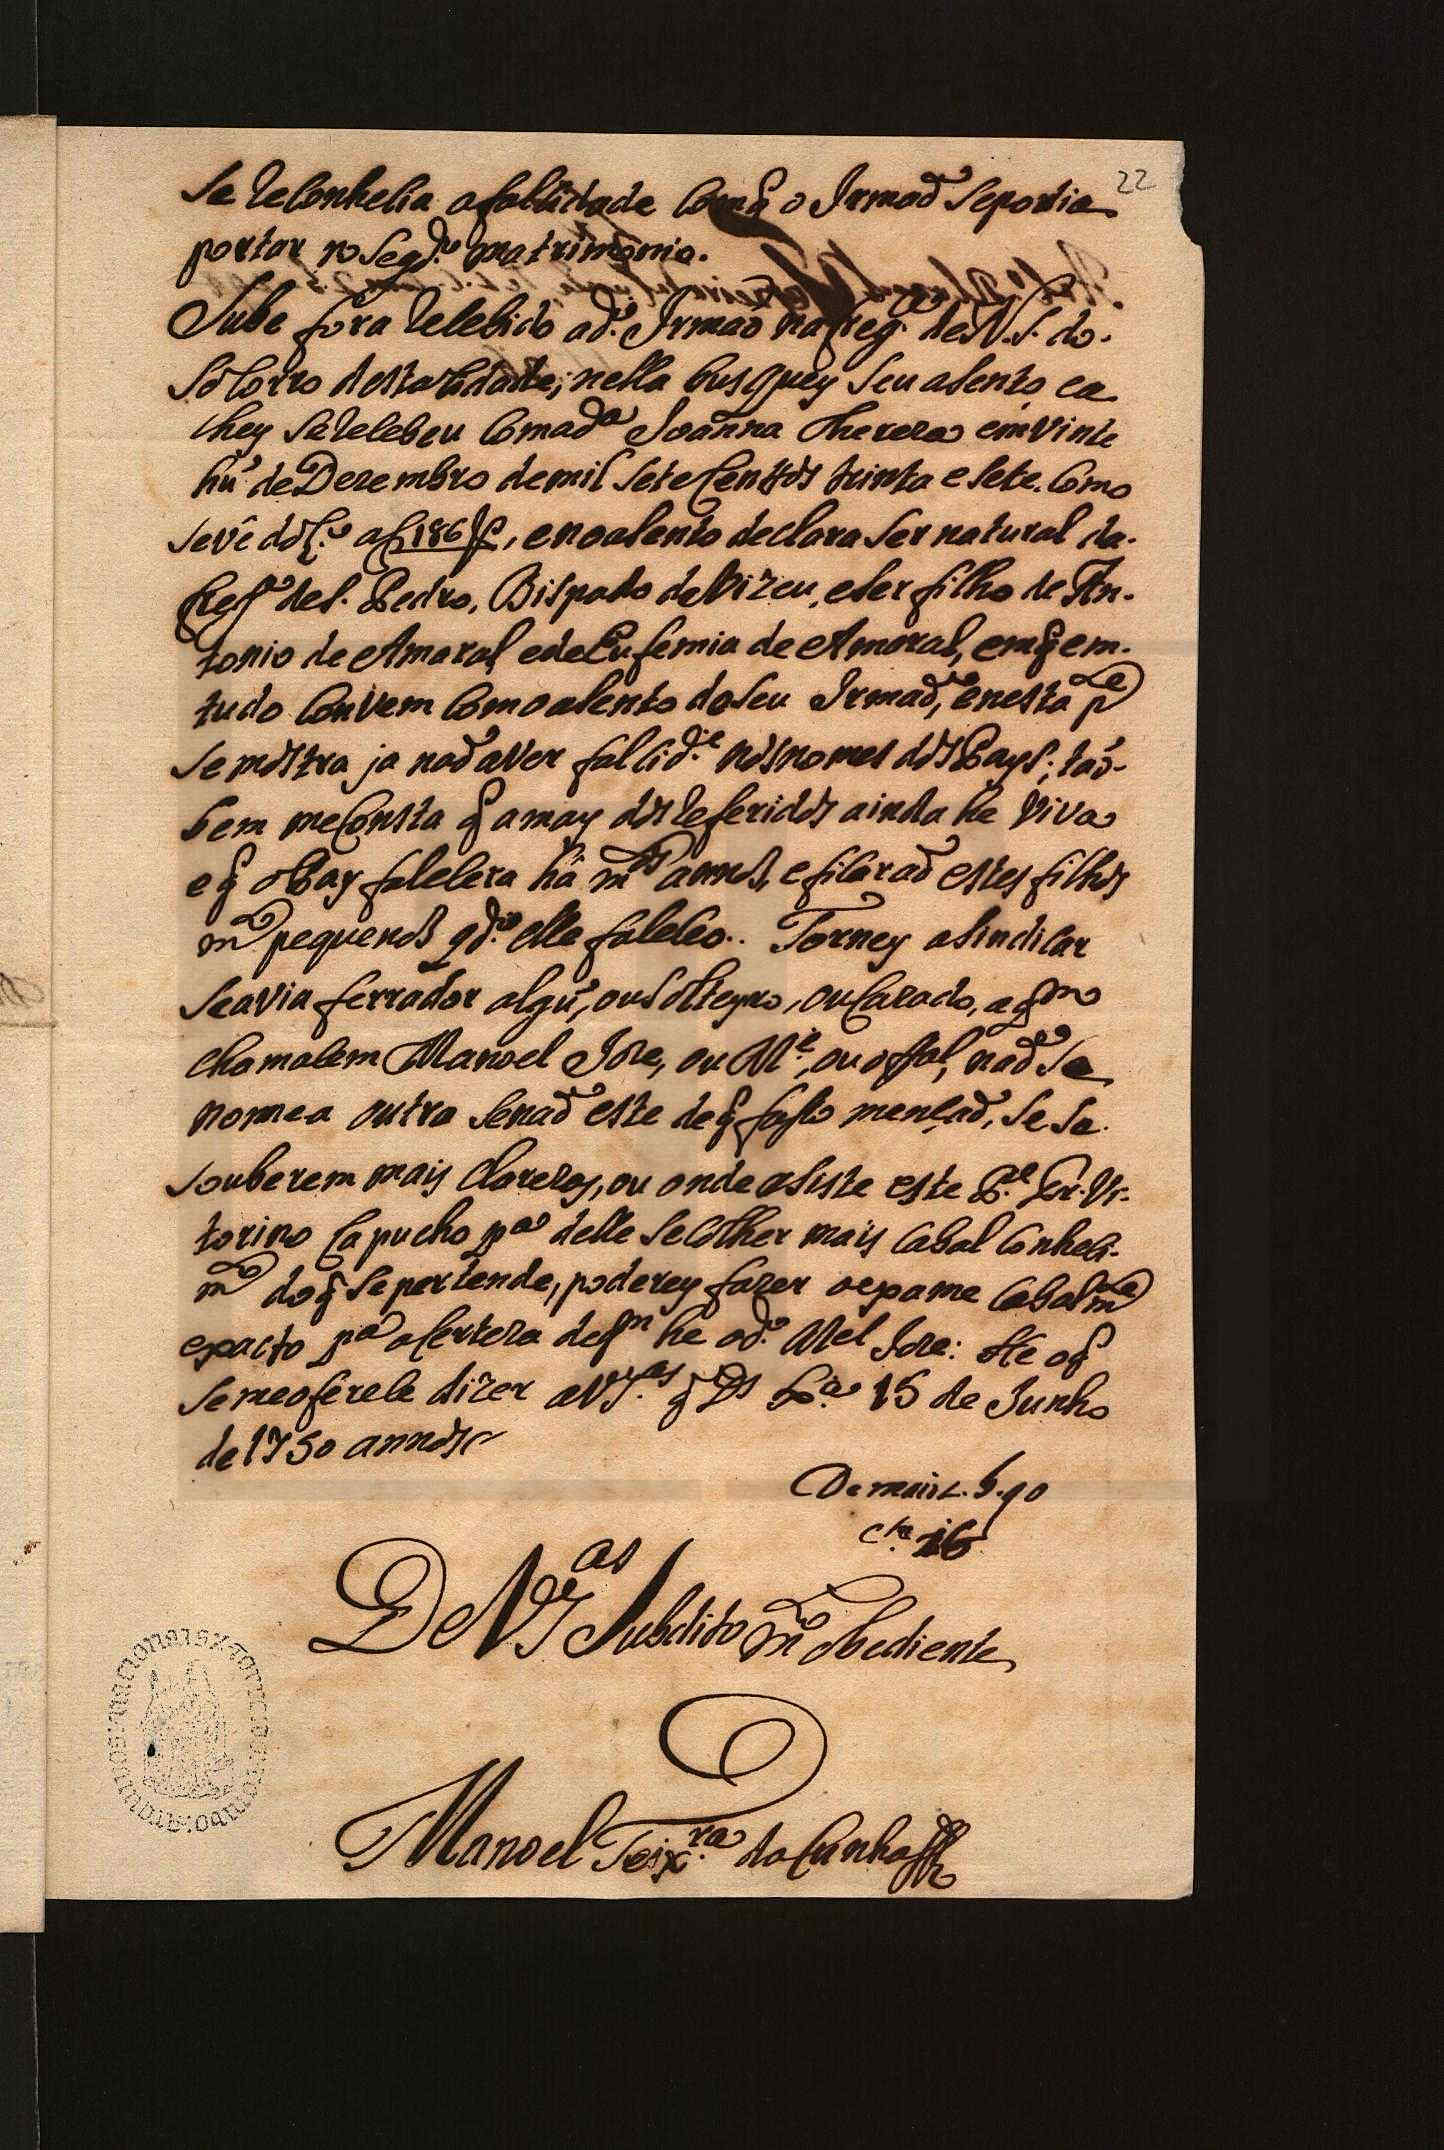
se ReConhecia a falcidade Com q̄ o Irmaõ se podia
portar no seg.do matrimonio.
Sabe fora Recebido o d.o Irmaõ na freg.a de N. S. do
SoCorro desta Cidade; nella busquey seu asento, e a
chey se Recebeu com a da Ioanna Thereza em vinte
hū de Dezembro de mil seteCenttos trinta e sete. Como
se vê do L.o a fl 186 V̄o, e no asento declara ser natural da
frega de S. Pedro, Bispado de Vizeu, e ser filho de An
tonio de Amaral e de Eufemia de Amaral, em q̄ em
tudo Convem Com o asento do seu Irmaõ, e nesta p.te
se mostra ja naõ aver falcid.e nos nomes dos Pays; taõ
bem me Consta q̄ a may dos Referidos ainda he viva
e q̄ o Pay falecera há mtos annos, e ficaraõ estes filhos
mto pequenos qd.o elle faleCeo. Torney a sindicar
se avia ferrador algū, ou solteyro, ou Cazado, a qm
chamacem Manoel Ioze, ou M.e, ou offal, naõ se
nomea outro senaõ este de q̄ fasso mençaõ, se se
souberem mais clarezas, ou onde asiste este P.e Fr. Vi
torino Capucho pa delle se colher mais cabal conheci
mto do q̄ se pertende, poderey fazer o exame cabalm.te
exacto pa a Certeza de qm he o d.o Mel Ioze: He o q̄
se me oferece dizer a V S.as q̄ Ds̄ Lx.a 15 de Iunho
de 1750 annos
De maio 1.5.90
c.ta i6
De V Sas Subdito mto obediente
Manoel Teix.a da Cunha
